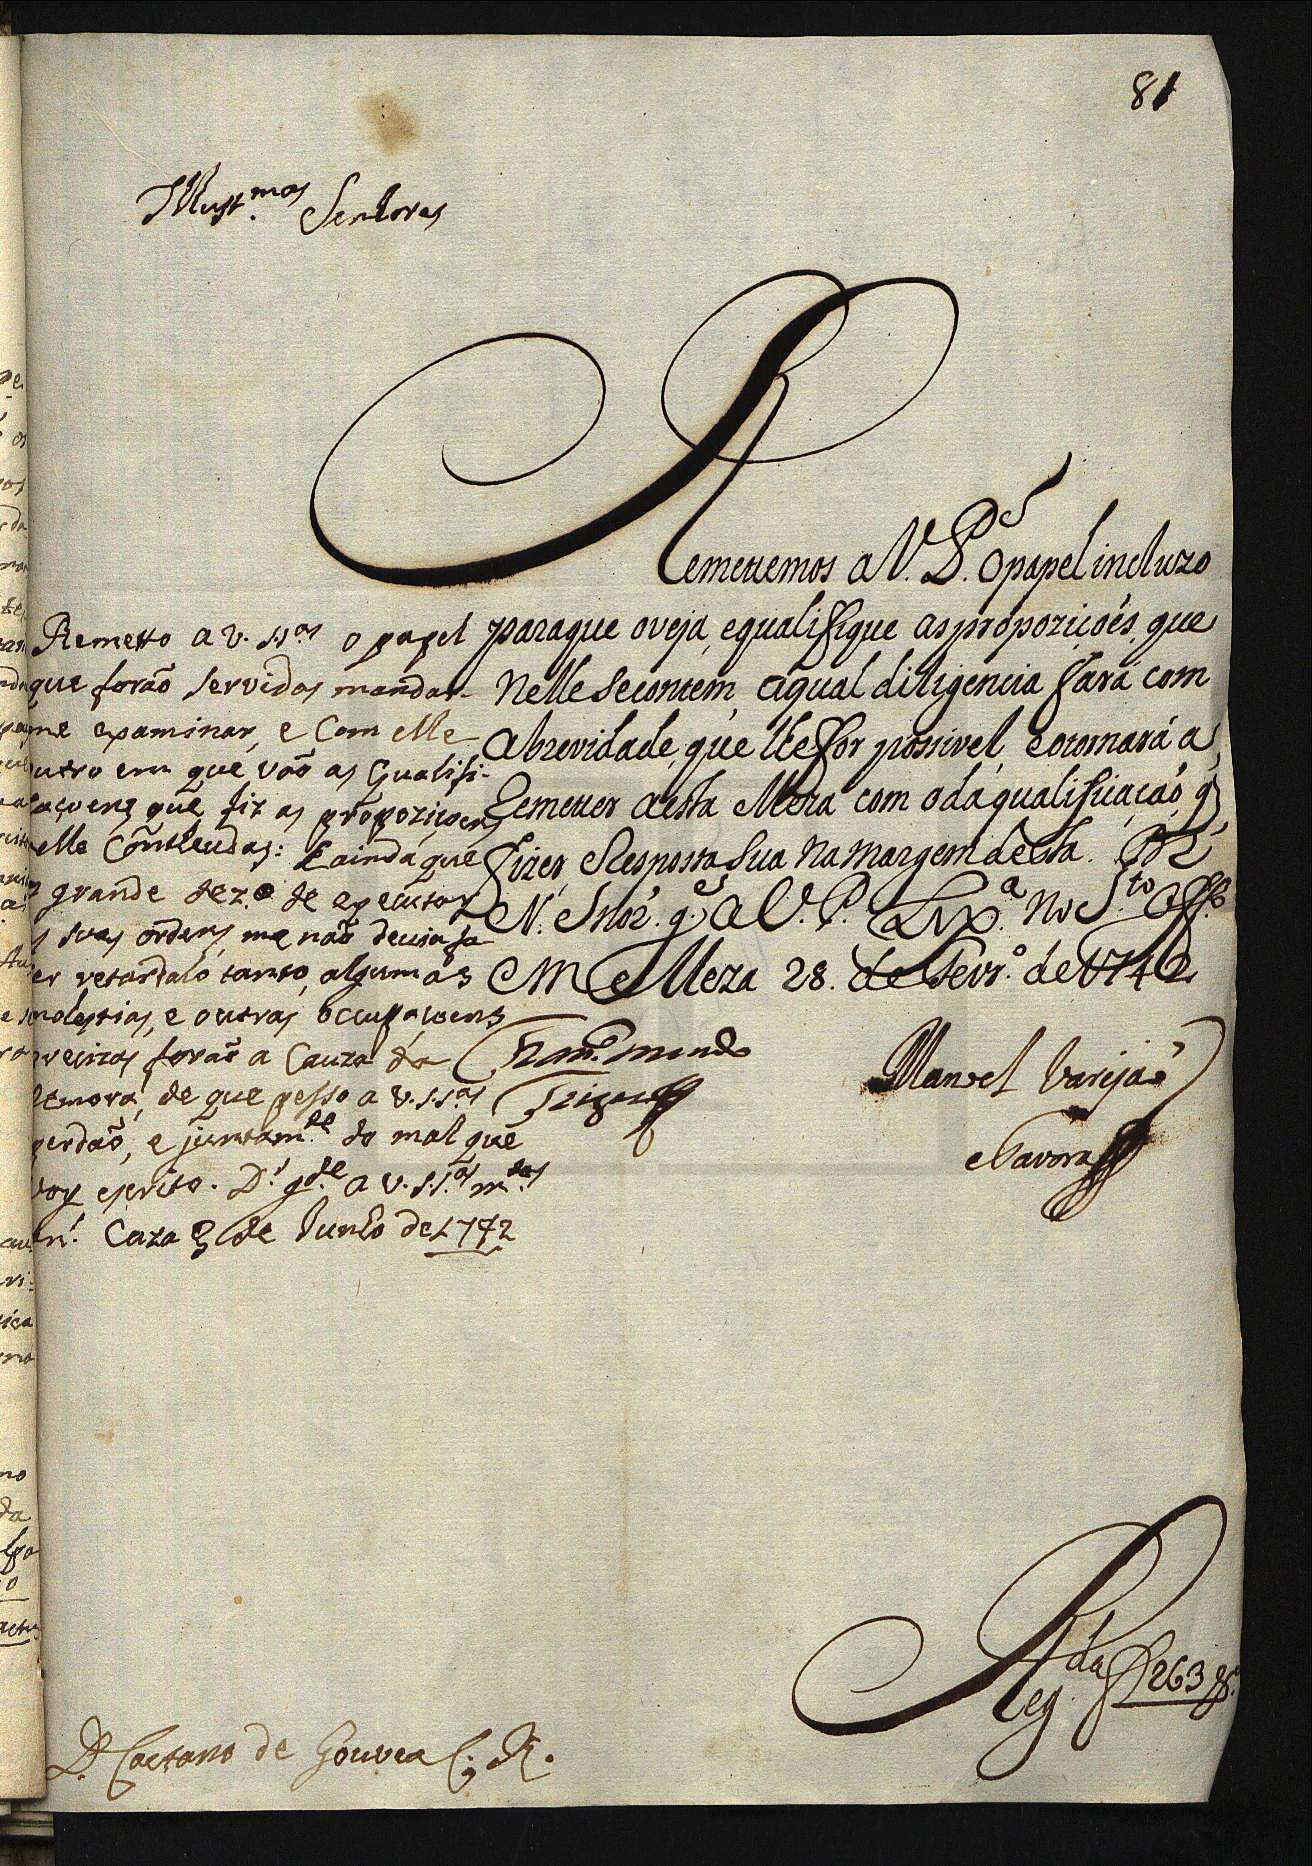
81
Illust.mos Senhores
Remetemos a V. P.e o papel incluzo
para que o veja, e qualifique as propoziçoẽs, que
nelle se contem, a qual diligencia fará com
a brevidade, que lhe for possivel, e o tornará a
Remetter a esta Meza com o da qualificaçaõ q̄
fizer, e Resposta Sua na margem desta. Ds̄
N. Snor̄. g.e a V. P. Lix.a no S.to Off.o
em Meza 28. de Fevr.o de 1742
Fran.co mendo
Trigoso
Manoel Varejaõ
e Tavora
Remetto a v. s.sa.s o papel
que foraõ servidos mandar
me examinar, e com elle
utro em que vaõ as qualifi
caçoens que fiz as propoziçoens
elle contheudas: E ainda que
grande dez.o de executar
suas ordens me não deuia fa
er retardalo tanto, algumas
nolestias, e outras occupaçoens
recizas foraõ a Cauza da
emora, de que pesso a v. s.s.as
perdaõ, e juntam.te do mal que
ay escrito. D.s gd.e a v. s.s.as m.tos
an.s Caza 3 de Iunho de 1742
Reg.da fl 263 Ꝟ.o
D. Caetano de Gouvea C. R.
